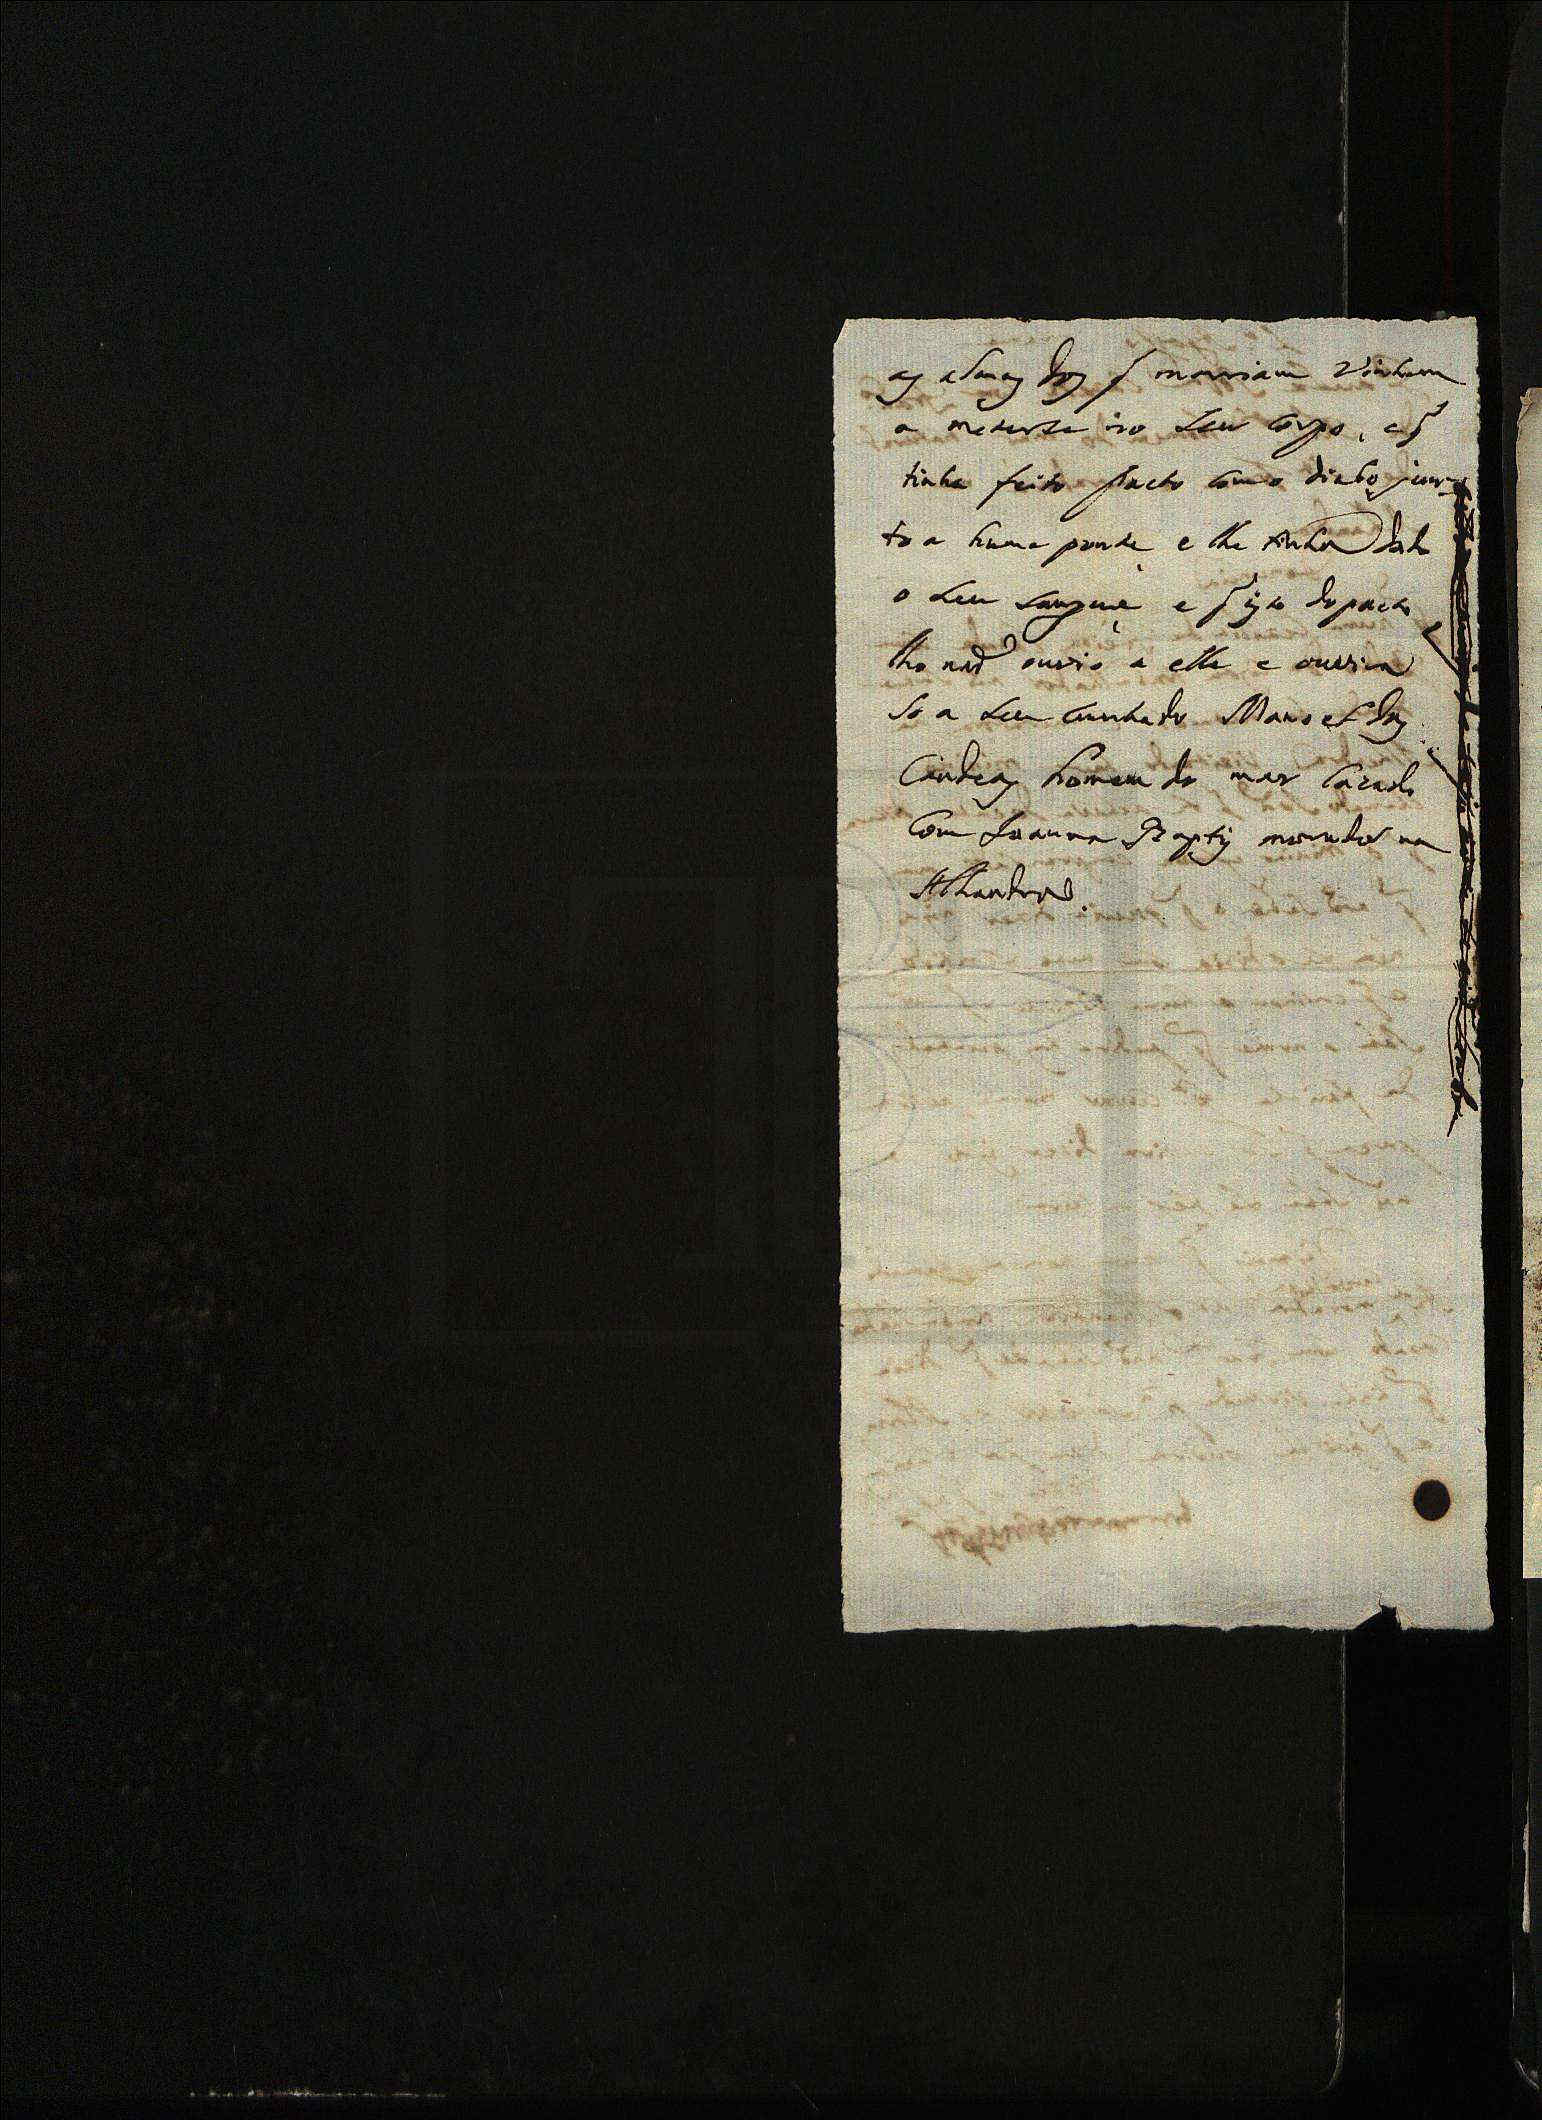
as almas dos q̄ morriam Vinham
a meterse no seu corpo, e q̄
tinha feito pacto como diabo jun
to a huma ponte e lhe tinha dado
o seu sangue e q̄ isto do pacto
lho naõ ouvio a elle e ouvira
so a seu Cunhado Manoel das
Candeas homem do mar Cazado
Com Ioanna Baptis morador na
Alhandra.
